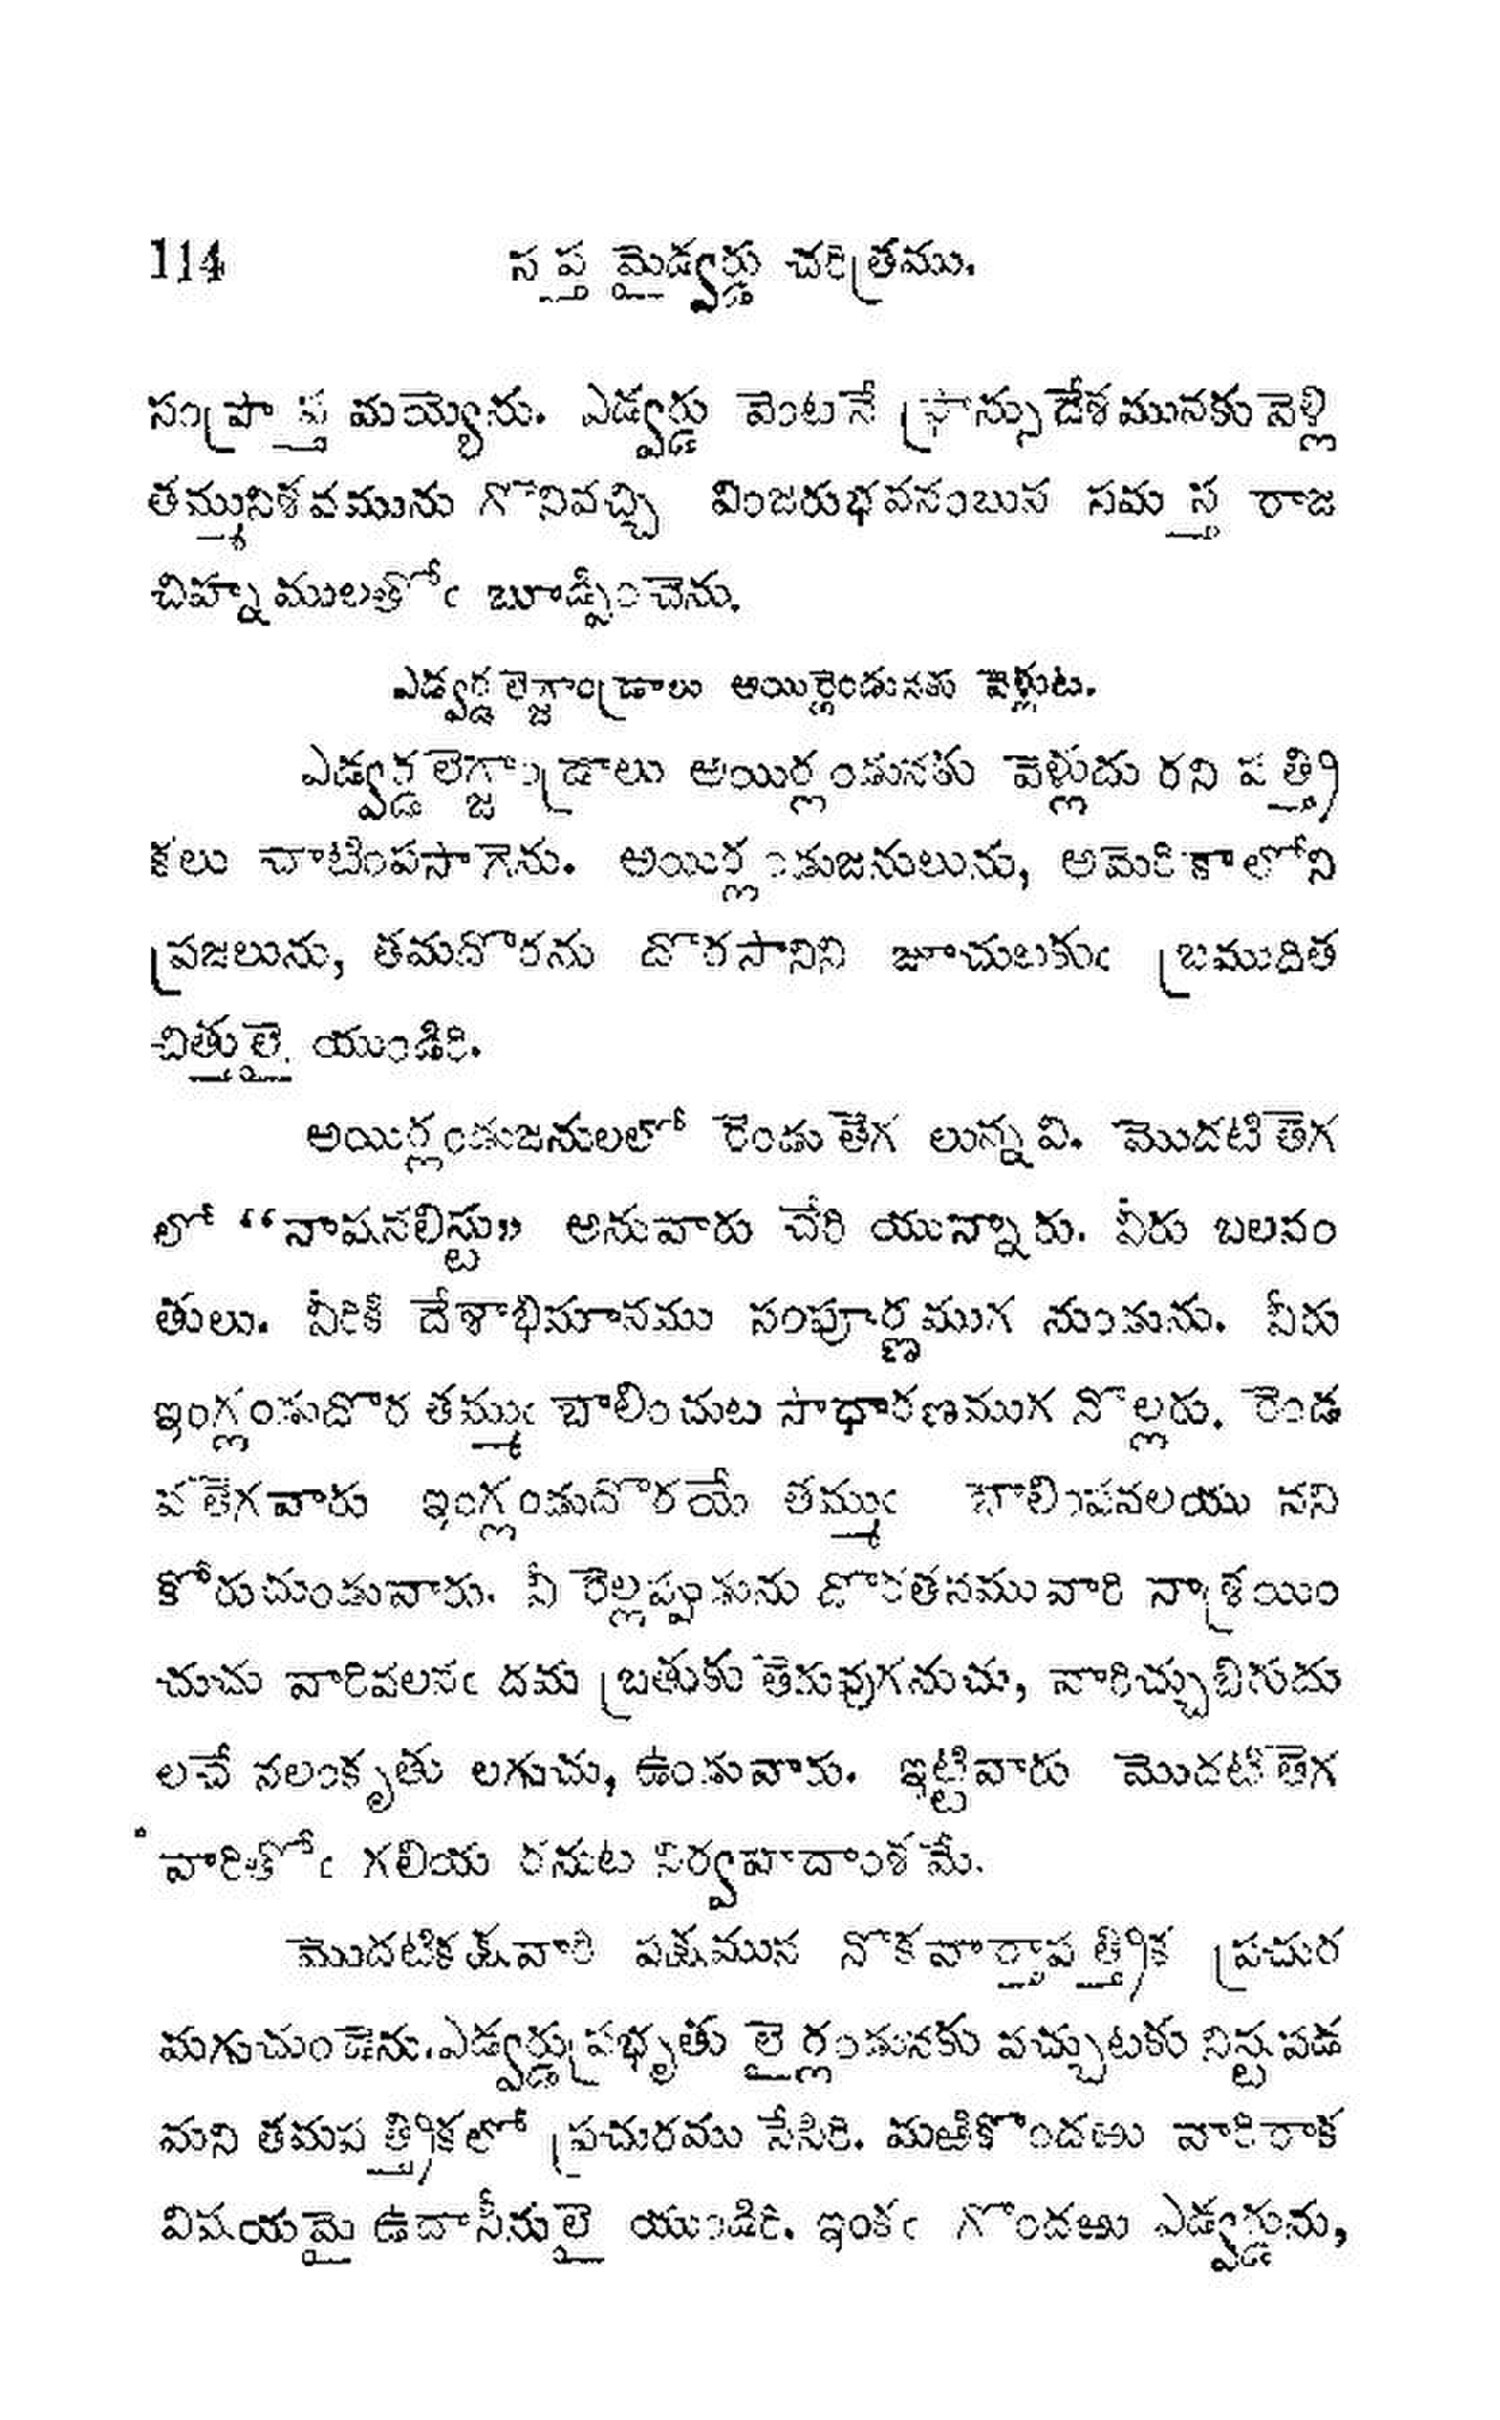సంప్రొప్త మయ్యేను. ఎడ్వర్డు వెంటనే ఫ్రాన్సు దేశమునకు నెళ్లి తమ్మునీశవమును గొనివచ్చి వింజరు భవనంబున సమస్త రాజు చిహ్నములతోఁ బూడ్పించెను.

,

ఎడ్వడ లెగ్జాండ్రాలు అయిర్లండునకు వెళ్లుదు రని పత్రి కలు చాటింపసాగెను. అయిర్లం జనులును, అమెరికా ప్రజలును, తమదొరను దొరసానిని జూచుటకుఁ బ్రముదిత చిత్తులై యుండిరి.

అయిర్లండు జనులలో రెండు తెగ లున్నవి. మొదటి తెగ లో “నాషనలిస్టు, అనువారు చేరి యున్నారు. వీరు బలవం తులు. వీరికీ దేశాభిమానము సంపూర్ణముగను నుండును.. వీరు ఇంగ్లండు దొర తమ్ముఁ బాలించుట సాధారణముగ నొల్లరు. రెండ వ తేగవారు ఇంగ్లండుదొరయే తమ్ము బాలింప వలయు నని కోరుచుండువారు. వీ రెల్లప్పుడును దొరతనము వారి నాశ్రయిం చుచు వారివలనఁ దమ బ్రతుకు తెరువు గనుచు, వారిచ్చు బిరుదు లచే నల కృతు లగుచు, ఉండువారు. ఇట్టివారు 'మొదటి తెగ " వారితో గలియ రనుట నిర్వివాదాంశ మే..

మొదటికక్ష వారి పక్షముస నోక వార్థాపత్రిక ప్రచుర మగు చుండెను.ఎడ్వర్డు ప్రభృతు లైర్లండు నకు వచ్చుటకు సిస్ట పడ మని తమప త్రికలో ప్రచురము సేసిరి. మణికొందఱు వారి రాక విషయమై ఉదాసీనులై యుడిరి. ఇంకఁ గొందఱు ఎడ్వర్లును,